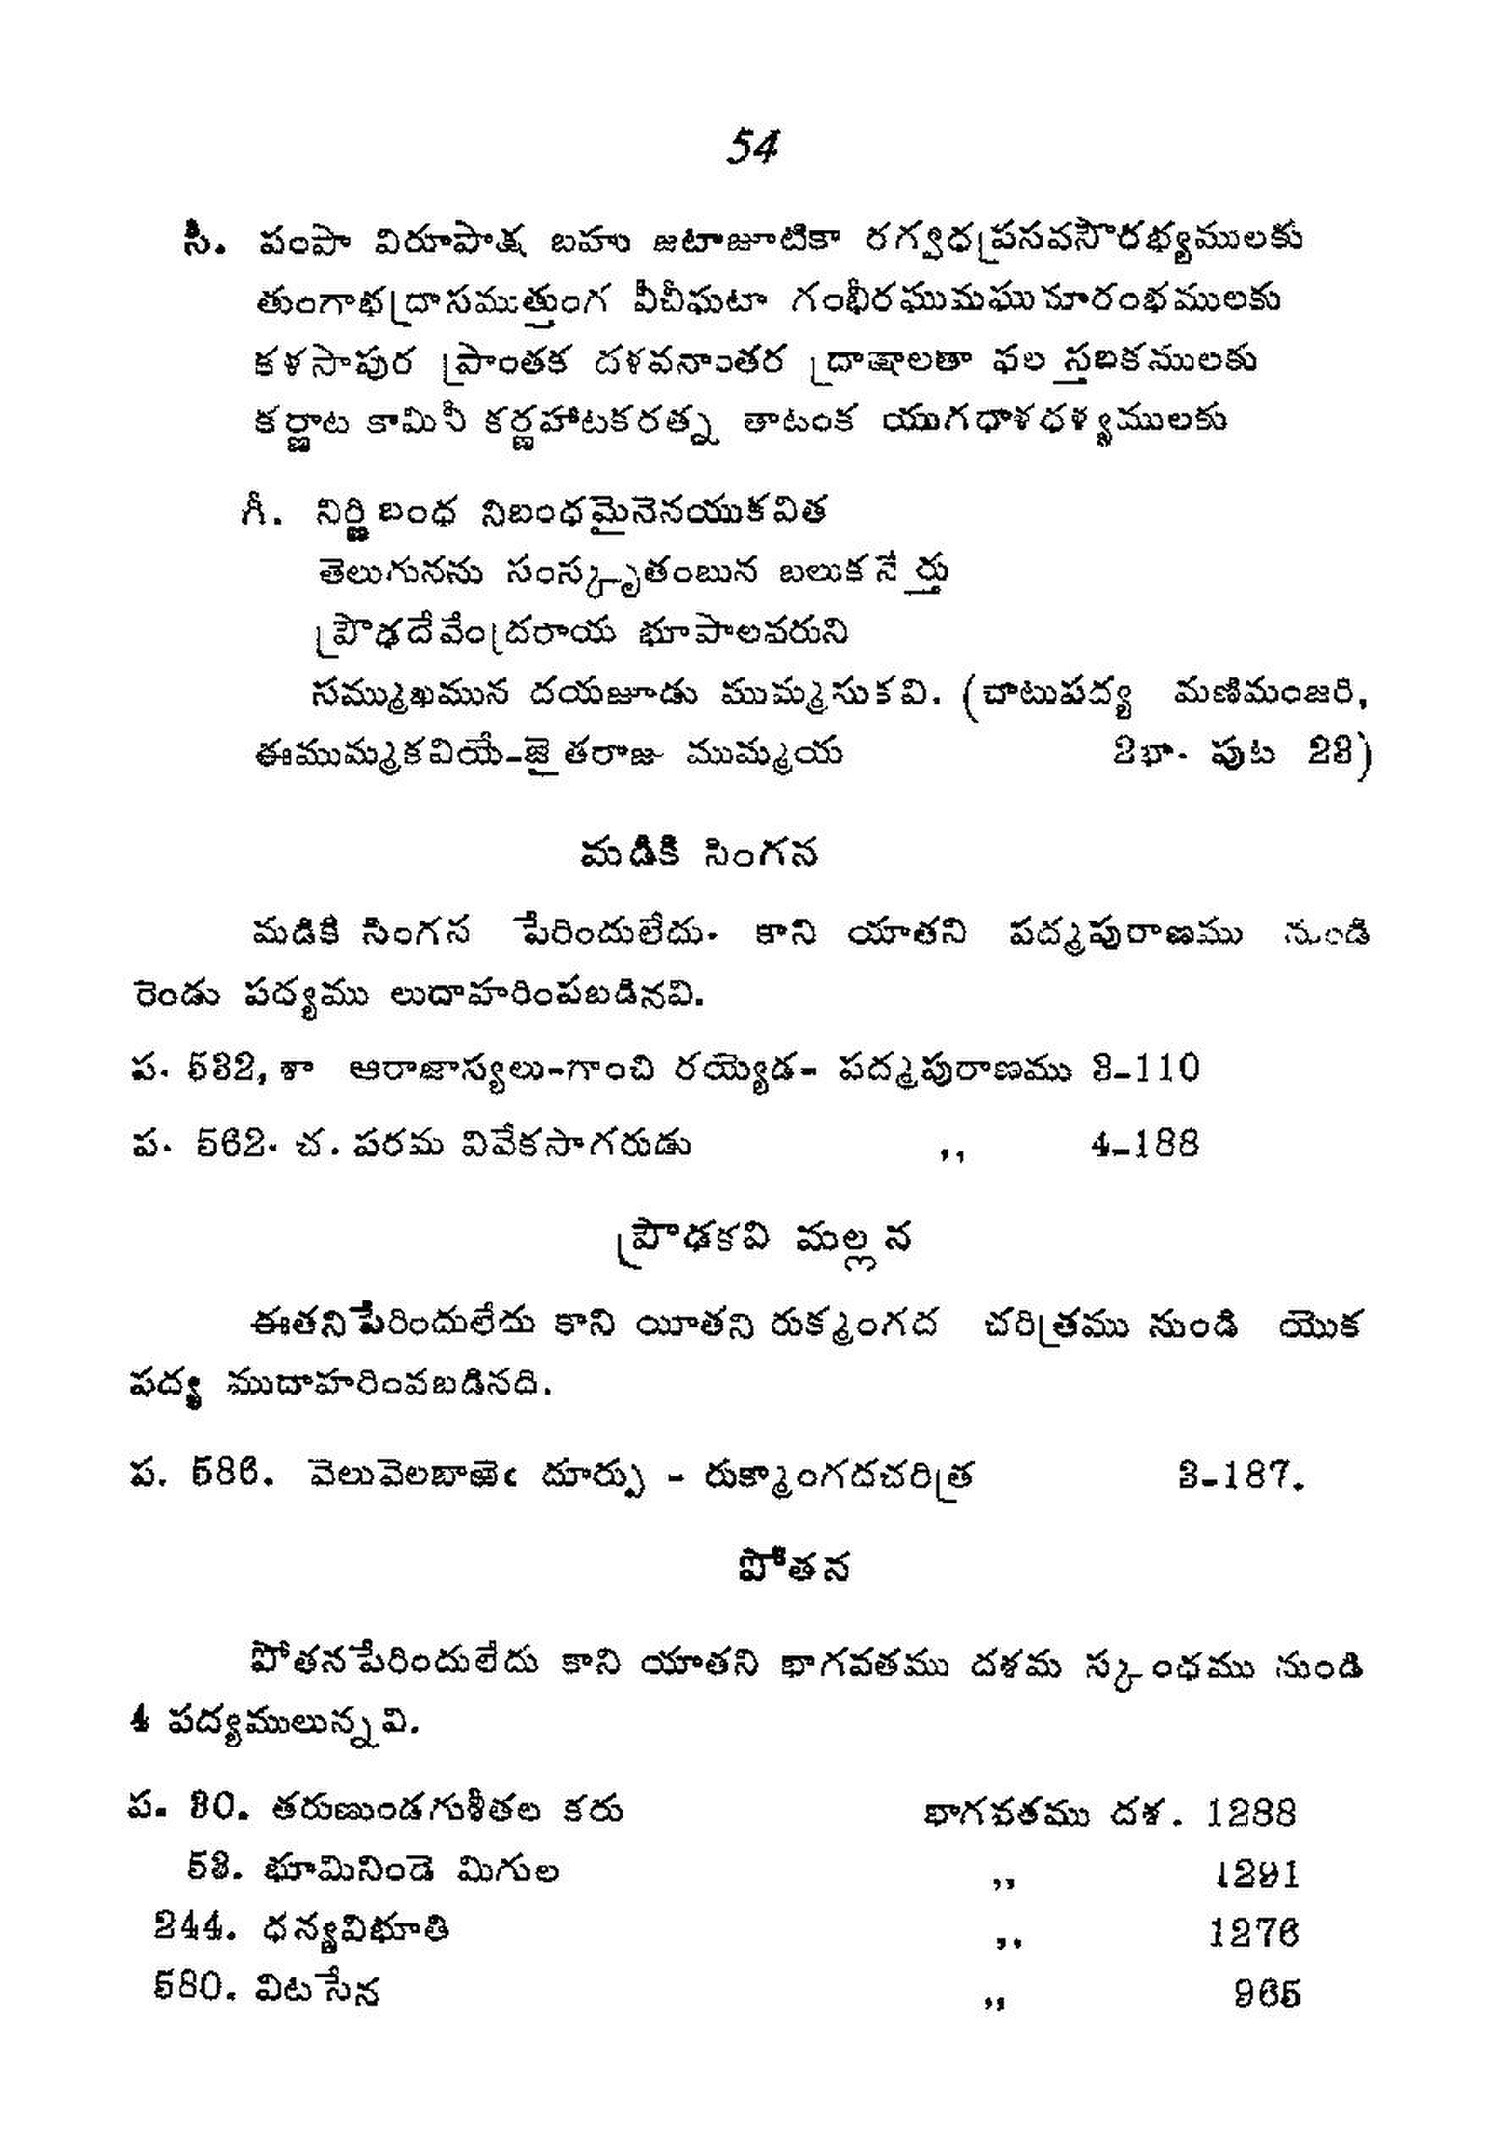సి. పంపా విరూపాక్ష బహు జటాజూటికా రగ్వధప్రసవసౌరభ్యములకు
తుంగాభద్రాసముత్తుంగ వీచీఘటా గంభీరఘుమఘుమారంభములకు
కళసాపుర ప్రాంతక దళవనాంతర ద్రాక్షాలతా ఫల స్తబకములకు
కర్ణాట కామినీ కర్ణ హాటకరత్న తాటంక యుగధా ధళ్యములకు

గీ. నిర్ణి బంధ నిబంధమైనెనయుకవిత
తెలుగునను సంస్కృతంబున బలుక నేర్తు
ప్రౌఢదేవేంద్రరాయ భూపాలవరుని
సమ్ముఖమున దయజూడు ముమ్మ సుకవి. (చాటుపద్య మణిమంజరి,
ఈముమ్మకవియే-జై తరాజు ముమ్మయ ..........2 భా. పుట 28)

మడికి సింగన పేరిందులేదు. కాని యాతని పద్మపురాణము నుండి
రెండు పద్యము లుదాహరింపబడినవి.

ప. 586, శా ఆరాజాస్యలు-గాంచి రయ్యెడ- పద్మపురాణము 3-110
ప. 562. చ. పరమ వివేకసాగరుడు ........... " .......... 4-188

ఈతని పేరిందులేదు కాని యీతని రుక్మంగద చరిత్రము నుండి యొక
పద్య ముదాహరింవబడినది.

ప. 586. వెలువెలబాఱె దూర్పు - రుక్మాంగదచరిత్ర ..................3.187.

పోతన పేరిందులేదు కాని యాతని భాగవతము దశమ స్కంధము నుండి
4 పద్యములున్నవి.

ప. 30. తరుణుండగుశీతల కరు ..... ....భాగవతము దశ. 1288
 58. భూమినిండె మిగుల ........ ........ " ............1291
 244. ధన్యవిభూతి ........... ....... " ...........1276
 580, విటసేన.......... ........... ......... " ........... 965